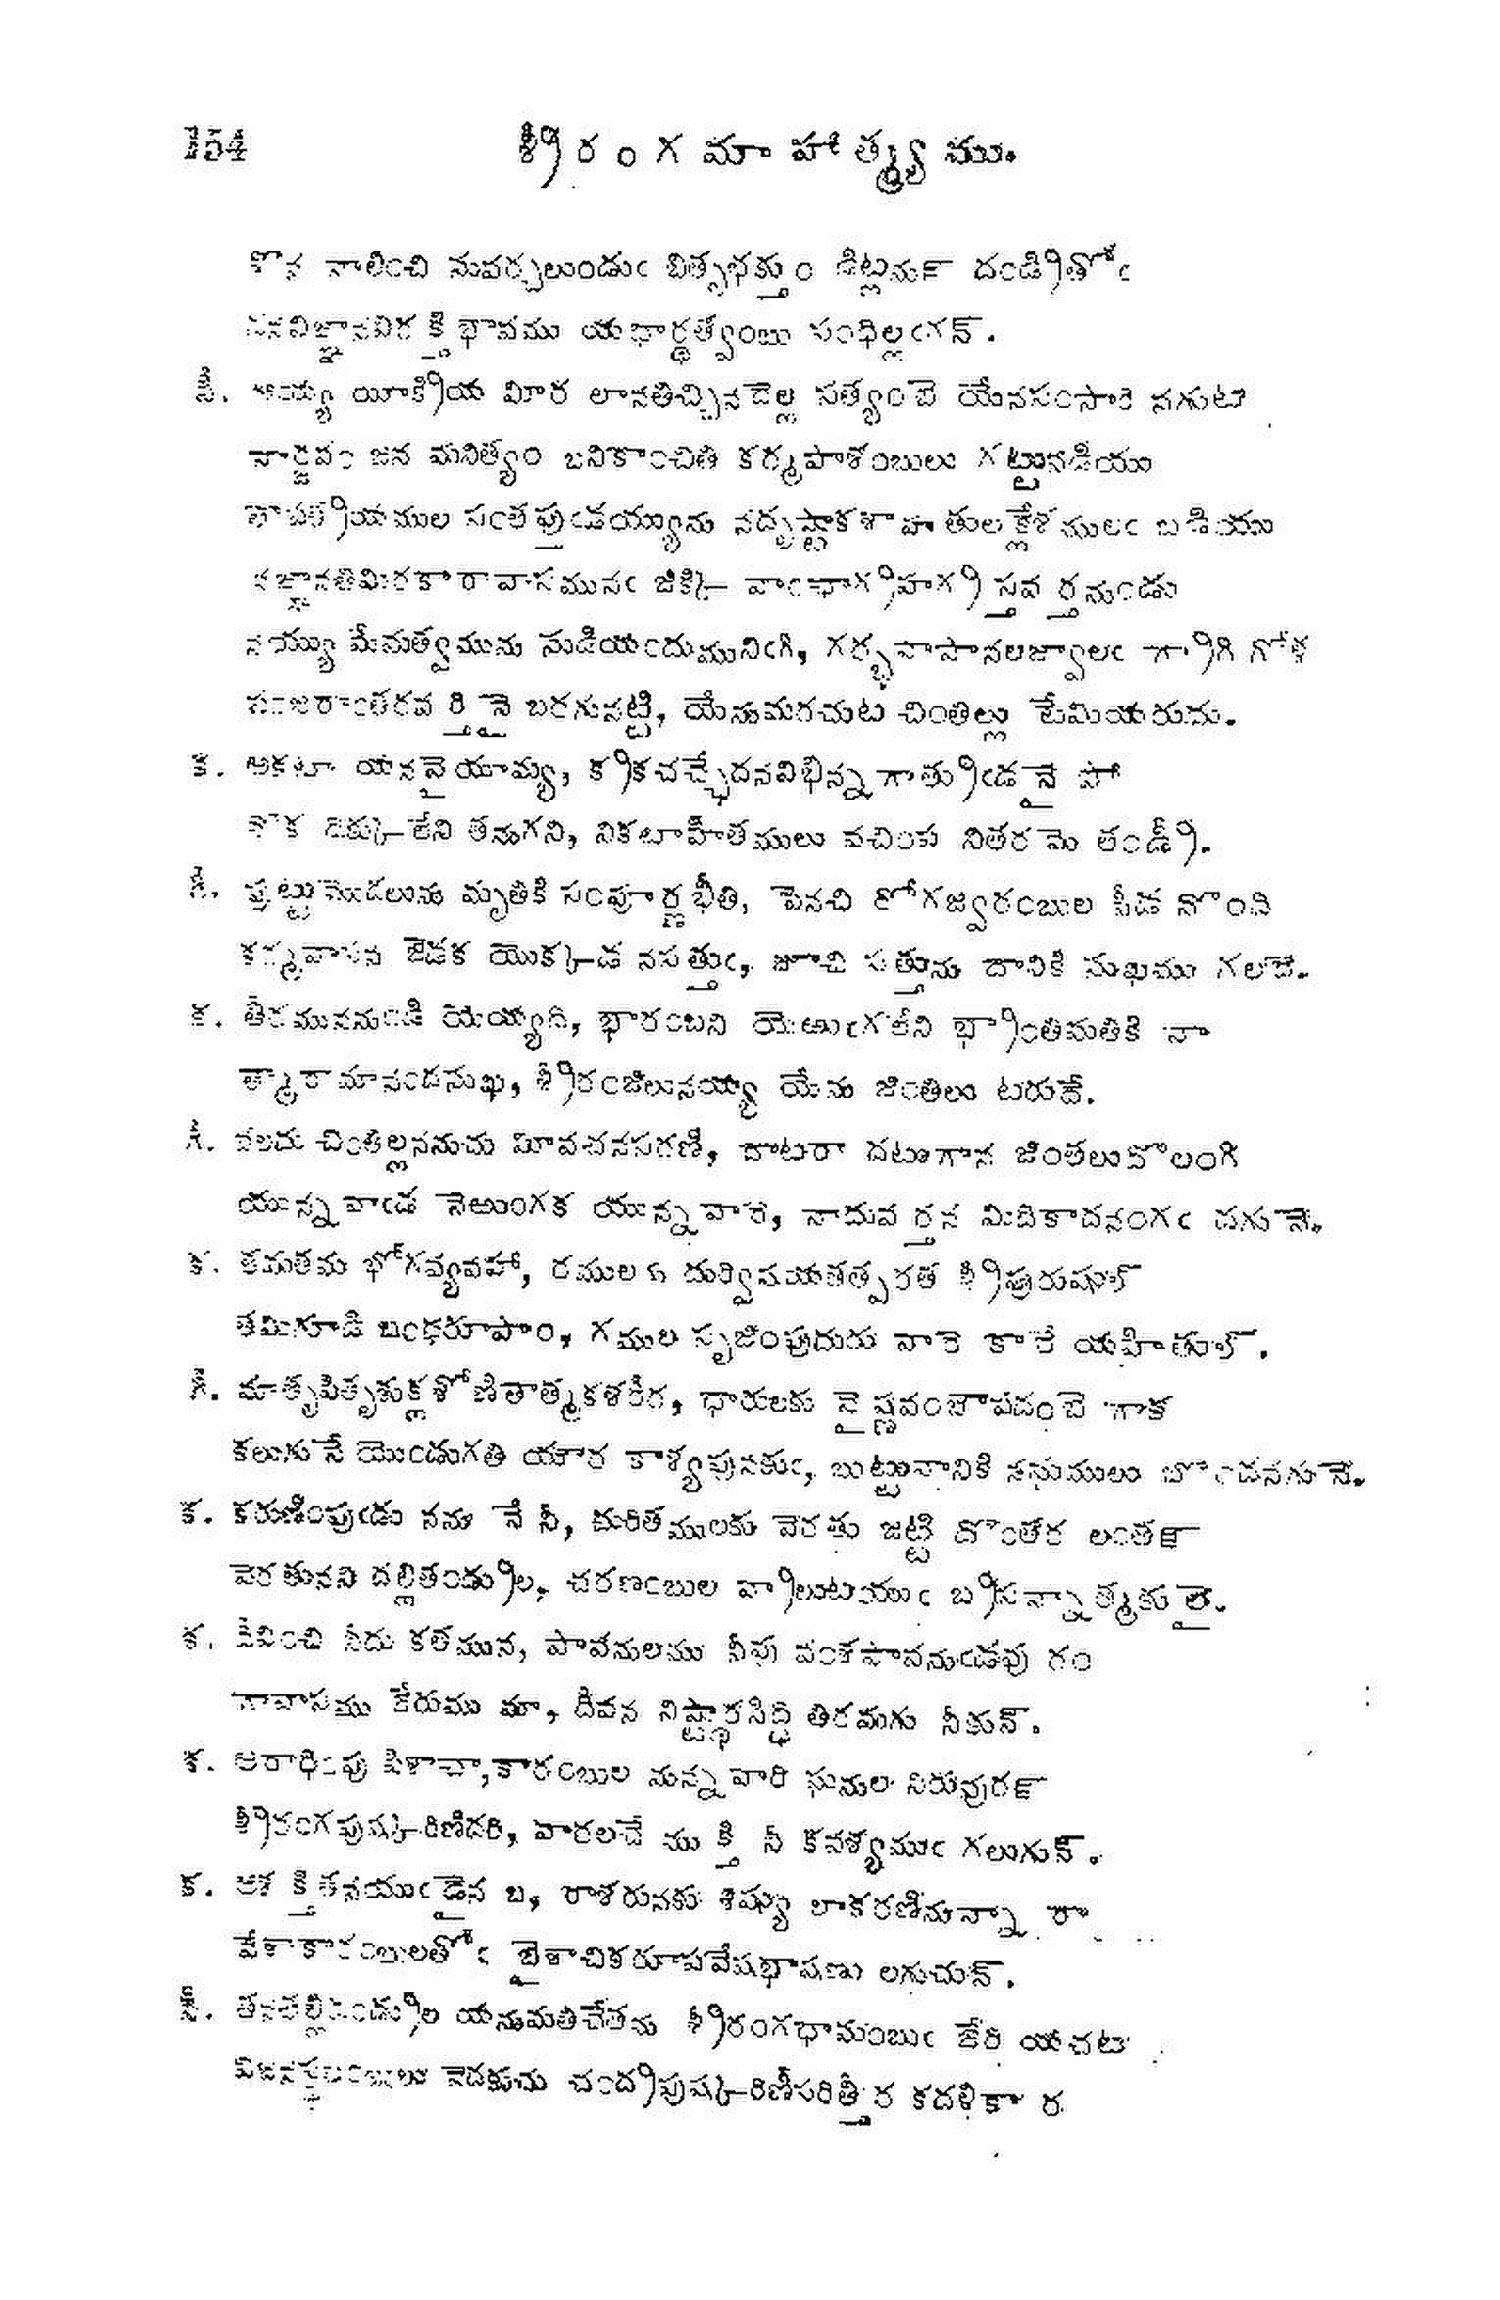కొన నాలించి సువర్చలుండుఁ బితృభక్తుం డిట్లనున్ దండ్రితో
 దనవిజ్ఞానవిరక్తిభావము యథార్థత్వంబు సంధిల్లఁగన్.
సీ. అయ్య యీక్రియ మీర లానతిచ్చినదెల్ల సత్యంబె యేన సంసారి నగుట
 నార్జవం జన మనిత్యం బని కాంచితి కర్మపాశంబులు గట్టువడియు
 తాపత్రయముల సంతప్తుఁ డయ్యును నదృష్టాకశాహతులక్లేశములఁ బడియు
 నజ్ఞానతిమికారావాసమునఁ జిక్కి వాంఛాగ్రహగ్రస్తవర్తనుండు
 నయ్యు మేమత్వమును సుడియందు మునిఁగి, గర్భవాసానలజ్వాలఁ గ్రాగి గోళ
 పంజరాంతరవర్తినై బరగునట్టి, యేను మరచుట చింతిల్లు టేమి యరుదు.
క. అకటా యనవైయామ్య , క్రకచచ్ఛేదనవిభిన్నగాత్రుఁడనై పో
 నొకదిక్కులేని తనుగని, నికటాహితములు వచింప నితరమె తండ్రీ.
గీ. పుట్టుమొదలును మృతికి సంపూర్ణభీతి, పెనచి రోగజ్వరంబుల పీడ నొంది
 కర్మవాసన జెడక యొక్కడ నసత్తుఁ, జూచి సత్తును దానికి సుఖము గలదె.
క. తీరమున నుండి యెయ్యది, భారంబని యెఱుఁగలేని భ్రాంతిమతికి నా
 త్మారామానందసుఖ, శ్రీరంజిలునయ్య యేను జింతిలు టరుదే.
గీ. వలదు చింతిల్లననుచు మీవచనసరణి, దాటరా దటుగాన జింతలు దొలంగి
 యన్నవాఁడ నెఱుంగక యున్నవారె, నాదువర్తన మిది కాదనంగఁ దగునె.
క. తమతమభోగవ్యవహా, రములను దుర్విషయతత్పరత స్త్రీపురుషుల్
 తమిగూడి బంధరూపాం, గముల సృజింపుదురు వారె కారె యహితుల్.
గీ. మాతృపితృశుక్లశోణితాత్మకశరీర, ధారులకు వైష్ణవం బౌషదంబె గాక
 కలుగునే యొండుగతి యౌర కాశ్యపునకు, బుట్టువానికి నసుములు బొందనగునె.
క. కరుణింపుఁడు నను నే నీ, దురితములకు వెరతు జట్టి దొంతక లంతన్
 వెరతునని దల్లితండ్రుల, చరణంబుల వ్రాలుటయుఁ బ్రసన్నాత్మకులై.
క. దీవించి నీదు కతమున, పావనులము నీవు వంశపావనుఁడవు రం
 గావాసము జేరుము మా, దీవన నిష్టార్థసిద్ధి తిరమగు నీకున్.
క. ఆరాధింపు పిశాచా, కారంబుల నున్నవారి ఘనుల నిరువురన్
 శ్రీరంగపుష్కరిణిదరి, వారలచే ముక్తి నీ కవశ్యముఁ గలుగున్.
క. ఆశక్తితనయుఁ డైన బ, రాశరునకు శిష్యు లాకరణినున్నా రా
 వేశాకారంబులతోఁ, బైశాచికరూపవేషభాషణు లగుచున్.
సీ. తనతల్లిదండ్రుల యనుమతిచేతను శ్రీరంగధామంబుఁ జేరి యచట
 విజనస్థలంబులు వెదకుచు చంద్రపుష్కరిణీసరిత్తీరకదళికార